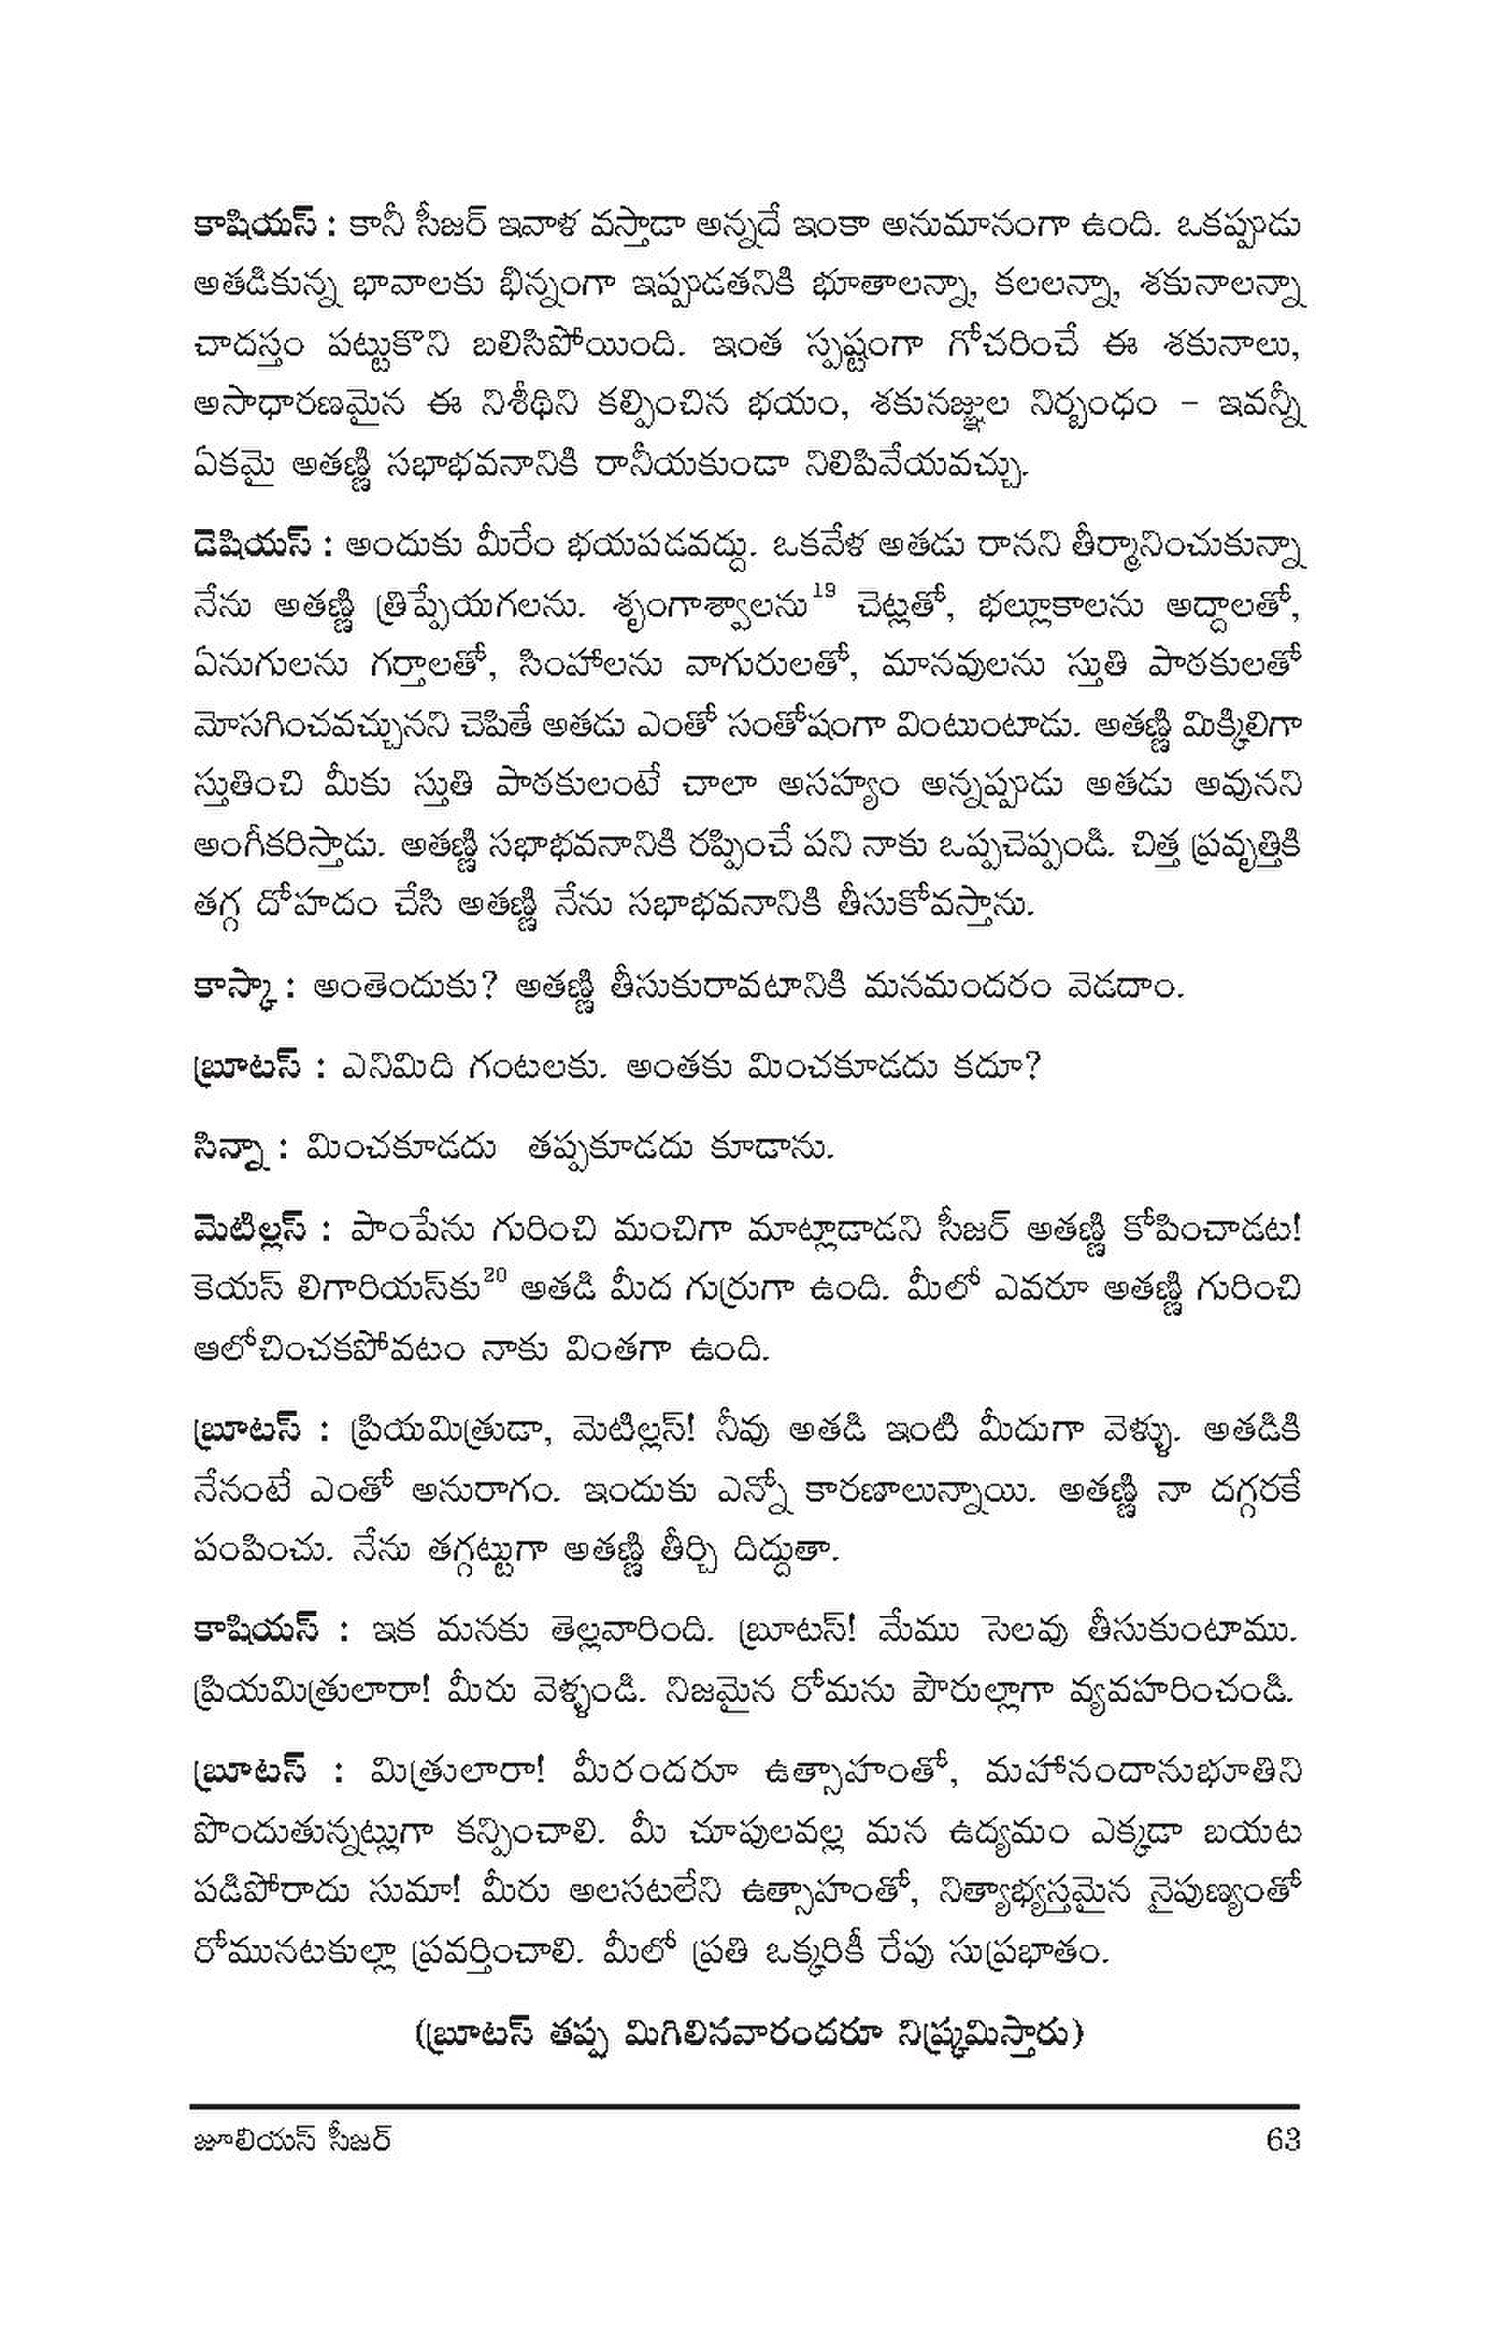కాషియస్ : కానీ సీజర్ ఇవాళ వస్తాడా అన్నదే ఇంకా అనుమానంగా ఉంది. ఒకప్పుడు అతడికున్న భావాలకు భిన్నంగా ఇప్పుడతనికి భూతాలన్నా, కలలన్నా, శకునాలన్నా చాదస్తం పట్టుకొని బలిసిపోయింది. ఇంత స్పష్టంగా గోచరించే ఈ శకునాలు, అసాధారణమైన ఈ నిశీథిని కల్పించిన భయం, శకునజ్ఞుల నిర్బంధం - ఇవన్నీ ఏకమై అతణ్ణి సభాభవనానికి రానీయకుండా నిలిపివేయవచ్చు.

డెషియస్ : అందుకు మీరేం భయపడవద్దు. ఒకవేళ అతడు రానని తీర్మానించుకున్నా నేను అతణ్ణి త్రిప్పేయ గలను. శృంగాశ్వాలను " చెట్లతో, భల్లూకాలను అద్దాలతో, ఏనుగులను గర్తాలతో, సింహాలను వాగురులతో, మానవులను స్తుతి పాఠకులతో మోసగించవచ్చునని చెపితే అతడు ఎంతో సంతోషంగా వింటుంటాడు. అతణ్ణి మిక్కిలిగా స్తుతించి మీకు స్తుతి పాఠకులంటే చాలా అసహ్యం అన్నప్పుడు అతడు అవునని అంగీకరిస్తాడు. అతణ్ణి సభాభవనానికి రప్పించే పని నాకు ఒప్పచెప్పండి. చిత్త ప్రవృత్తికి తగ్గ దోహదం చేసి అతణ్ణి నేను సభాభవనానికి తీసుకోవస్తాను.

కాస్కా : అంతెందుకు? అతణ్ణి తీసుకురావటానికి మనమందరం వెడదాం.

బ్రూటస్ : ఎనిమిది గంటలకు. అంతకు మించకూడదు కదూ?

సిన్నా: మించకూడదు తప్పకూడదు కూడాను.

మెటిల్లస్ : పాంపేను గురించి మంచిగా మాట్లాడాడని సీజర్ అతణ్ణి కోపించాడట! కెయస్ లిగారియస్ కు20 అతడి మీద గుర్రుగా ఉంది. మీలో ఎవరూ అతణ్ణి గురించి ఆలోచించకపోవటం నాకు వింతగా ఉంది.

బ్రూటస్ : ప్రియమిత్రుడా, మెటిల్లస్ ! నీవు అతడి ఇంటి మీదుగా వెళ్ళు. అతడికి నేనంటే ఎంతో అనురాగం. ఇందుకు ఎన్నో కారణాలున్నాయి. అతణ్ణి నా దగ్గరకే పంపించు. నేను తగ్గట్టుగా అతణ్ణి తీర్చి దిద్దుతా.

కాషియస్ : ఇక మనకు తెల్లవారింది. బ్రూటస్! మేము సెలవు తీసుకుంటాము. ప్రియమిత్రులారా! మీరు వెళ్ళండి. నిజమైన రోమను పౌరుల్లాగా వ్యవహరించండి.

బ్రూటస్ : మిత్రులారా! మీరందరూ ఉత్సాహంతో, మహానందానుభూతిని పొందుతున్నట్లుగా కన్పించాలి. మీ చూపులవల్ల మన ఉద్యమం ఎక్కడా బయట పడిపోరాదు సుమా! మీరు అలసటలేని ఉత్సాహంతో, నిత్యాభ్యస్తమైన నైపుణ్యంతో రోమునటకుల్లా ప్రవర్తించాలి. మీలో ప్రతి ఒక్కరికీ రేపు సుప్రభాతం.